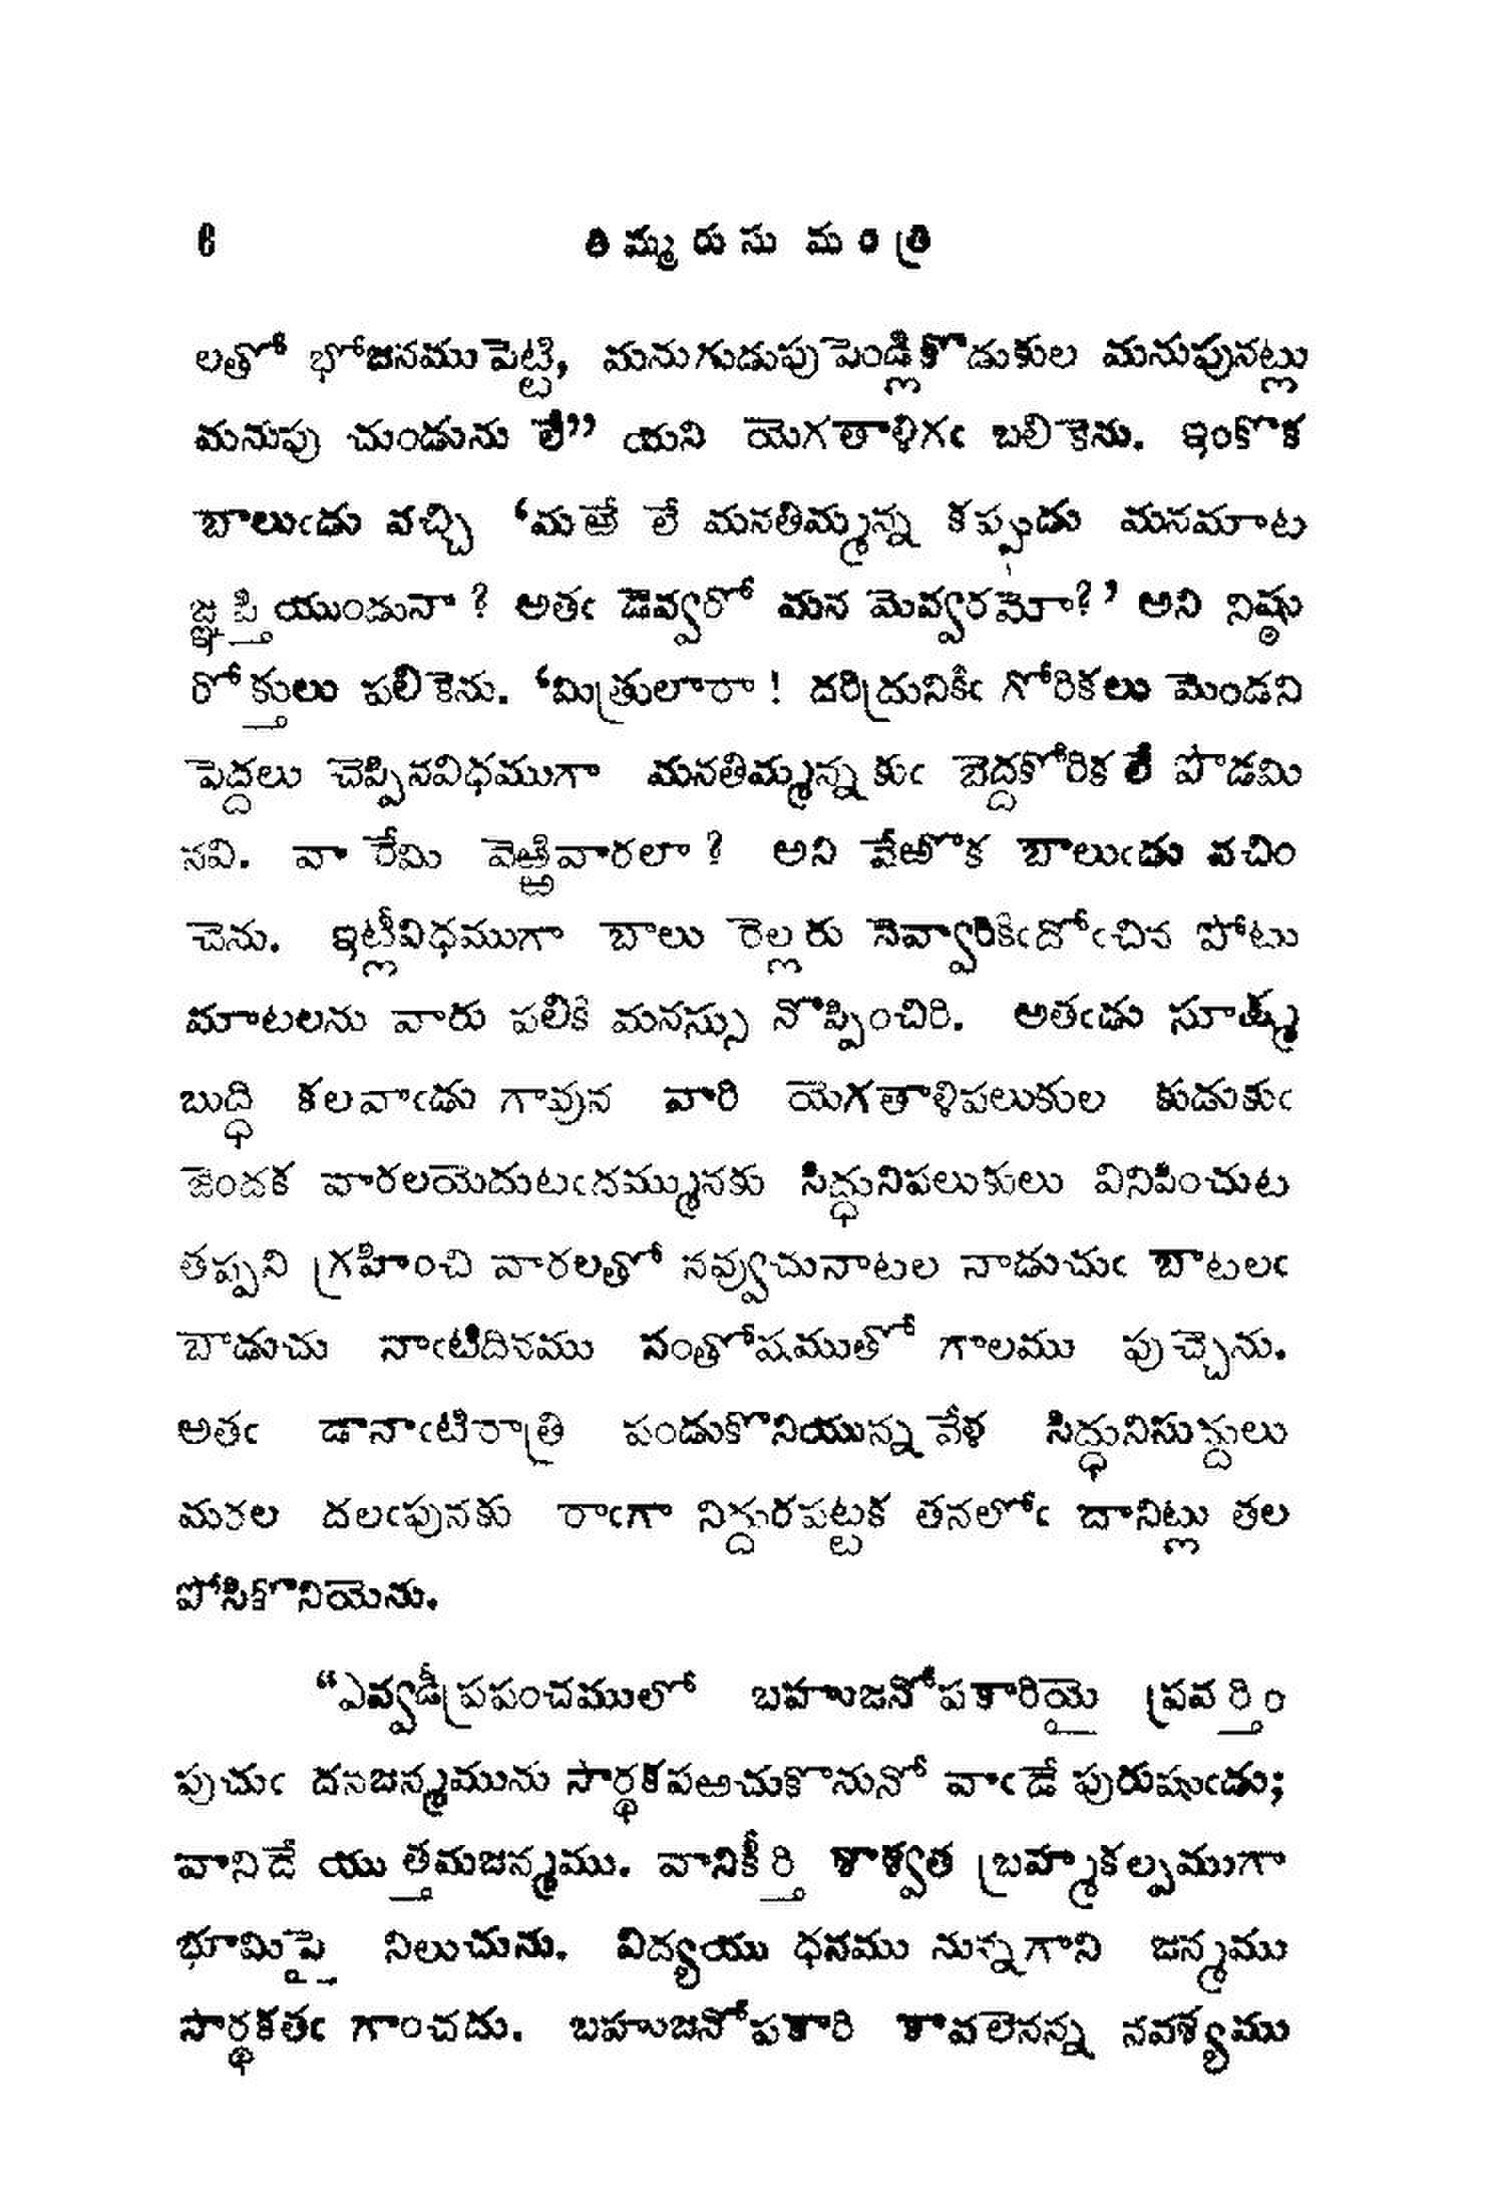లతో భోజనముపెట్టి, మనుగుడుపుపెండ్లికొడుకుల మనుపునట్లు మనుపు చుండును లే" యని యెగతాళిగఁ బలికెను. ఇంకొక బాలుఁడు వచ్చి 'మఱే లే మనతిమ్మన్న కప్పుడు మనమాట జ్ఞప్తియుండునా? అతఁ డెవ్వరో మన మెవ్వరమో?' అని నిష్ఠురోక్తులు పలికెను. 'మిత్రులారా ! దరిద్రునికిఁ గోరికలు మెండని పెద్దలు చెప్పినవిధముగా మనతిమ్మన్నకుఁ బెద్దకోరికలే పొడమినవి. వా రేమి వెఱ్ఱివారలా? అని వేఱొక బాలుఁడు వచిం చెను. ఇట్లీవిధముగా బాలు రెల్లరు నెవ్వారికిఁదోఁచిన పోటు మాటలను వారు పలికి మనస్సు నొప్పించిరి. అతఁడు సూక్ష్మబుద్ధి కలవాఁడు గావున వారి యెగతాళిపలుకుల కుడుకుఁ జెందక వారలయెదుటఁదమ్మునకు సిద్ధునిపలుకులు వినిపించుట తప్పని గ్రహించి వారలతో నవ్వుచునాటల నాడుచుఁ బాటలఁ బాడుచు నాఁటిదినము సంతోషముతో గాలము పుచ్చెను. అతఁ డానాఁటిరాత్రి పండుకొనియున్నవేళ సిద్ధునిసుద్దులు మరల దలఁపునకు రాఁగా నిద్దురపట్టక తనలోఁ దానిట్లు తలపోసికొనియెను.

“ఎవ్వడీప్రపంచములో బహుజనోపకారియై ప్రవర్తింపుచుఁ దనజన్మమును సార్థకపఱచుకొనునో వాఁడే పురుషుఁడు; వానిదే యుత్తమజన్మము. వానికీర్తి శాశ్వత బ్రహ్మకల్పముగా భూమిపై నిలుచును. విద్యయు ధనము నున్నగాని జన్మము సార్థకతఁ గాంచదు. బహుజనోపకారి కావలెనన్న నవశ్యము